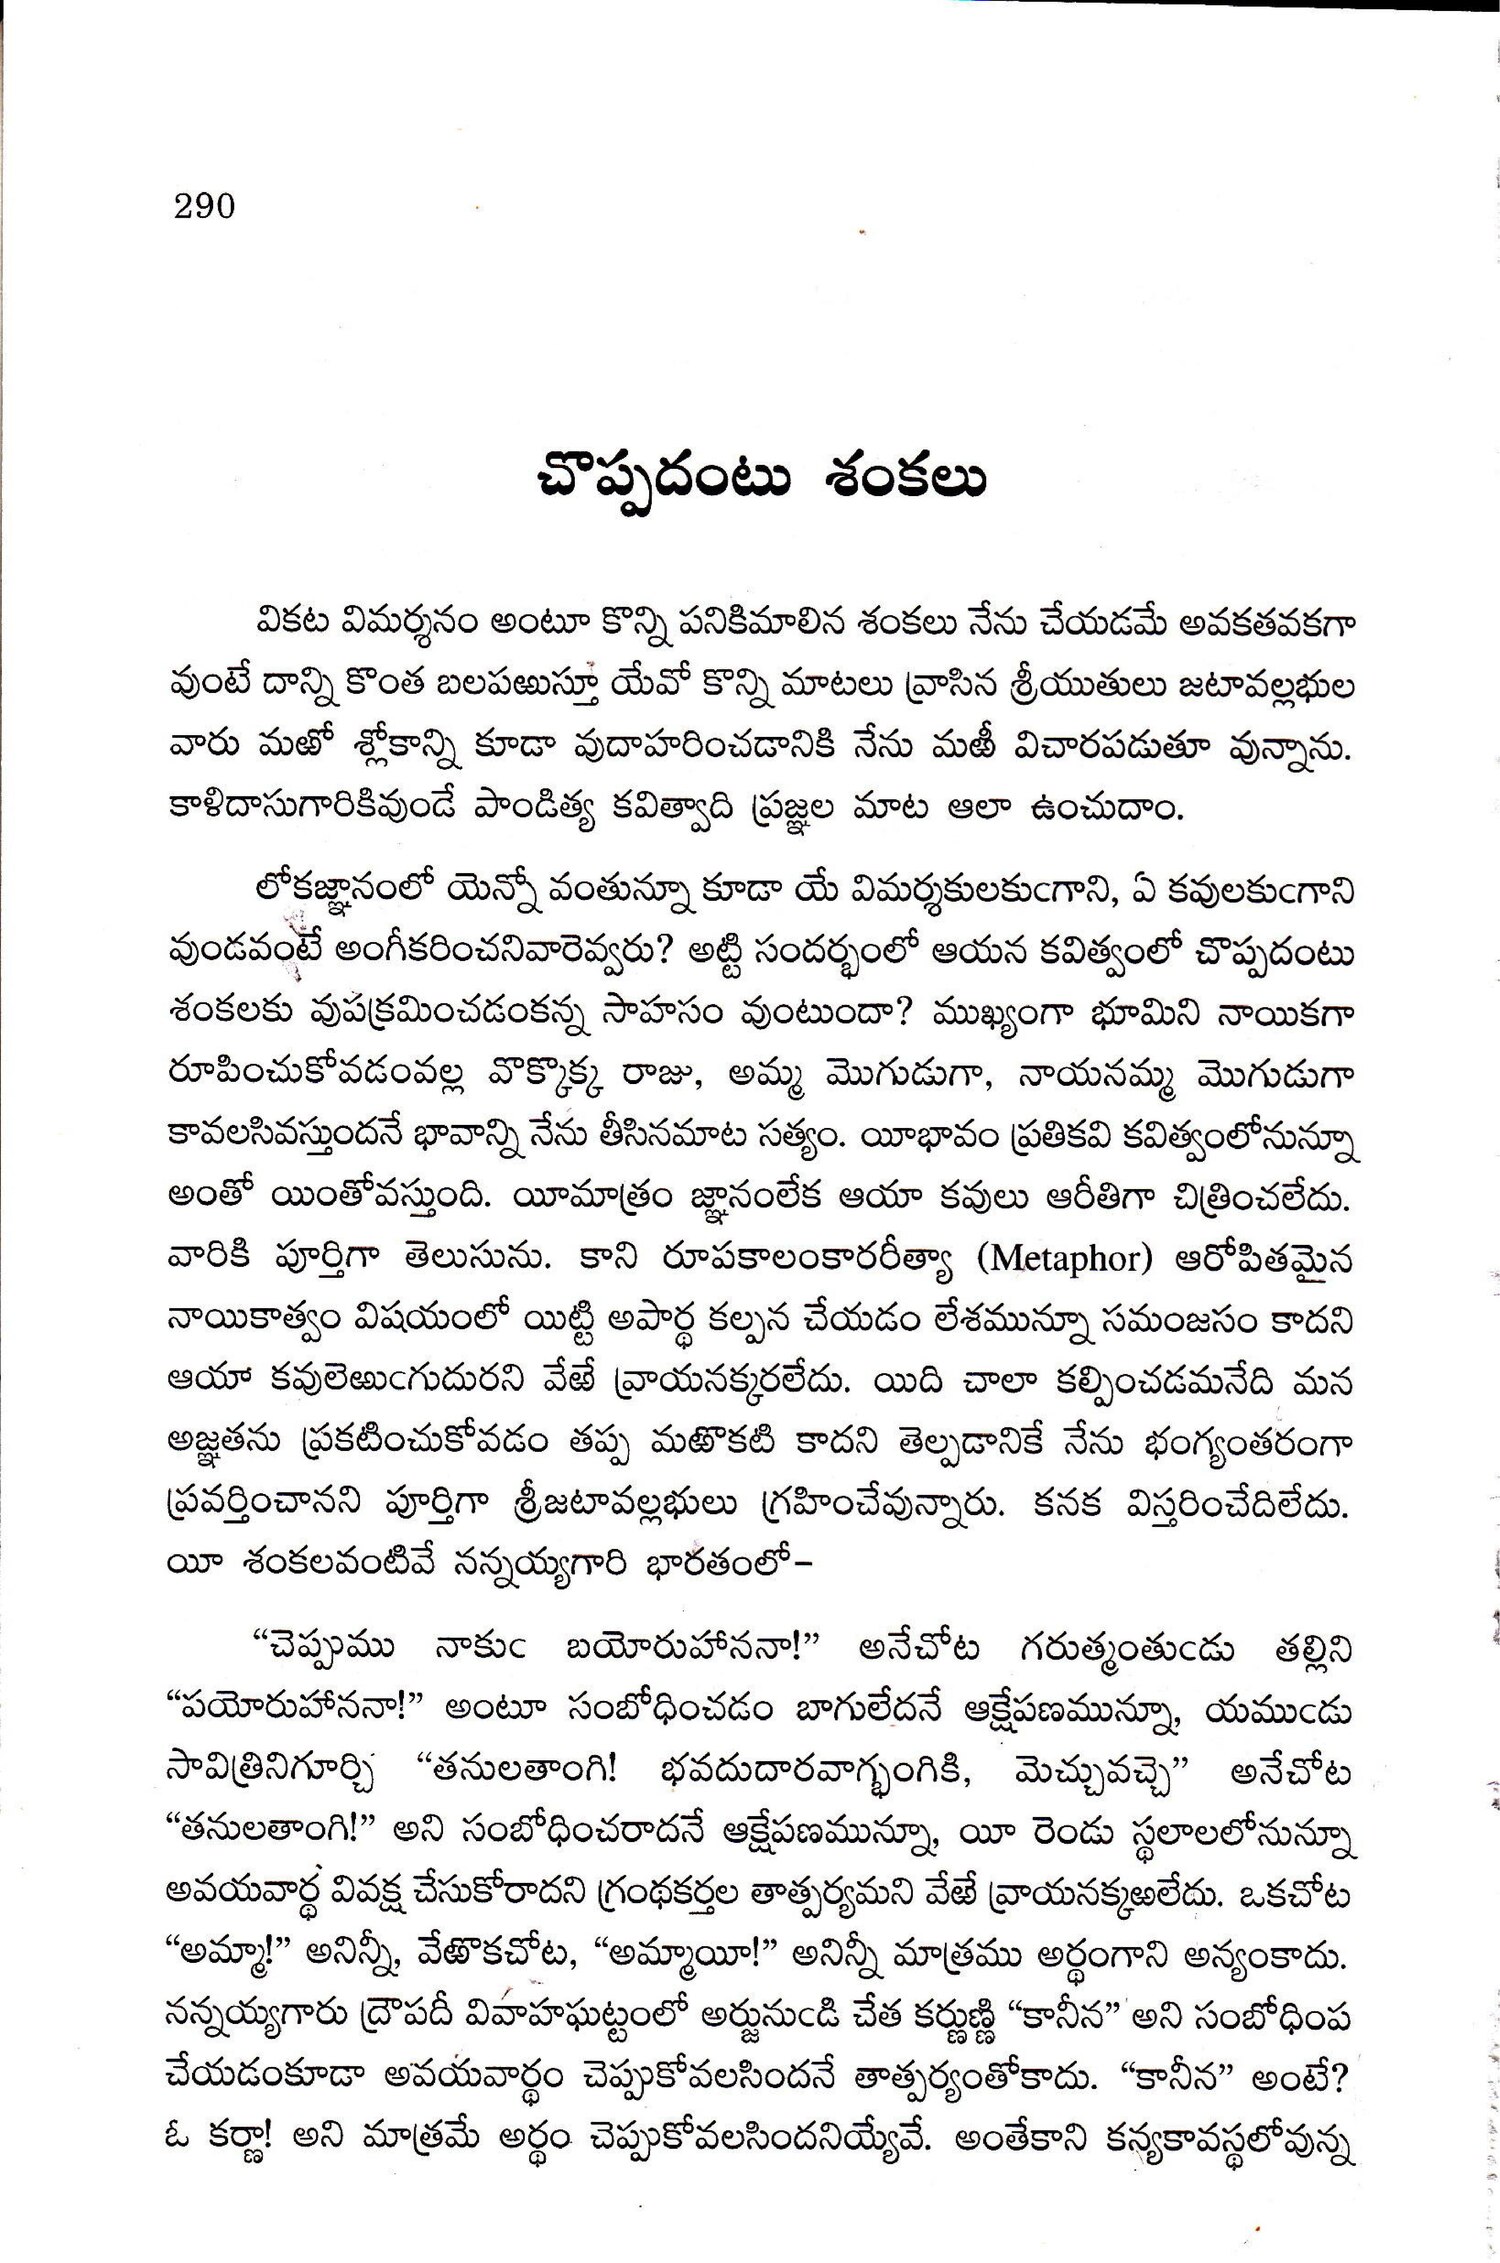చొప్పదంటు శంకలు

వికట విమర్శనం అంటూ కొన్ని పనికిమాలిన శంకలు నేను చేయడమే అవకతవకగా వుంటే దాన్ని కొంత బలపఱుస్తూ యేవో కొన్ని మాటలు వ్రాసిన శ్రీయుతులు జటావల్లభులవారు మఱో శ్లోకాన్ని కూడా వుదాహరించడానికి నేను మఱీ విచారపడుతూ వున్నాను. కాళిదాసుగారికివుండే పాండిత్య కవిత్వాది ప్రజ్ఞల మాట ఆలా ఉంచుదాం.

లోకజ్ఞానంలో యెన్నో వంతున్నూ కూడా యే విమర్శకులకుఁగాని, ఏ కవులకుఁగాని వుండవంటే అంగీకరించనివారెవ్వరు? అట్టి సందర్భంలో ఆయన కవిత్వంలో చొప్పదంటు శంకలకు వుపక్రమించడంకన్న సాహసం వుంటుందా? ముఖ్యంగా భూమిని నాయికగా రూపించుకోవడంవల్ల వొక్కొక్క రాజు, అమ్మ మొగుడుగా, నాయనమ్మ మొగుడుగా కావలసివస్తుందనే భావాన్ని నేను తీసినమాట సత్యం. యీభావం ప్రతికవి కవిత్వంలోనున్నూ అంతో యింతోవస్తుంది. యీమాత్రం జ్ఞానంలేక ఆయా కవులు ఆరీతిగా చిత్రించలేదు. వారికి పూర్తిగా తెలుసును. కాని రూపకాలంకారరీత్యా (Metaphor) ఆరోపితమైన నాయికాత్వం విషయంలో యిట్టి అపార్థ కల్పన చేయడం లేశమున్నూ సమంజసం కాదని ఆయా కవులెఱుఁగుదురని వేఱే వ్రాయనక్కరలేదు. యిది చాలా కల్పించడమనేది మన అజ్ఞతను ప్రకటించుకోవడం తప్ప మఱొకటి కాదని తెల్పడానికే నేను భంగ్యంతరంగా ప్రవర్తించానని పూర్తిగా శ్రీజటావల్లభులు గ్రహించేవున్నారు. కనక విస్తరించేదిలేదు. యీ శంకలవంటివే నన్నయ్యగారి భారతంలో

“చెప్పుము నాకుఁ బయోరుహాననా!” అనేచోట గరుత్మంతుఁడు తల్లిని “పయోరుహాననా!” అంటూ సంబోధించడం బాగులేదనే ఆక్షేపణమున్నూ యముఁడు సావిత్రినిగూర్చి "తనులతాంగి! భవదుదారవాగ్భంగికి, మెచ్చువచ్చె" అనేచోట “తనులతాంగి!" అని సంబోధించరాదనే ఆక్షేపణమున్నూ, యీ రెండు స్థలాలలోనున్నూ అవయవార్థ వివక్ష చేసుకోరాదని గ్రంథకర్తల తాత్పర్యమని వేఱే వ్రాయనక్కఱలేదు. ఒకచోట "అమ్మా!" అనిన్నీ వేఱొకచోట, "అమ్మాయీ!" అనిన్నీ మాత్రము అర్థంగాని అన్యంకాదు. నన్నయ్యగారు ద్రౌపదీ వివాహఘట్టంలో అర్జునుఁడి చేత కర్ణుణ్ణి "కానీన" అని సంబోధింప చేయడంకూడా అవయవార్థం చెప్పుకోవలసిందనే తాత్పర్యంతోకాదు. "కానీన" అంటే? ఓ కర్ణా! అని మాత్రమే అర్థం చెప్పుకోవలసిందనియ్యేవే. అంతేకాని కన్యకావస్థలోవున్న